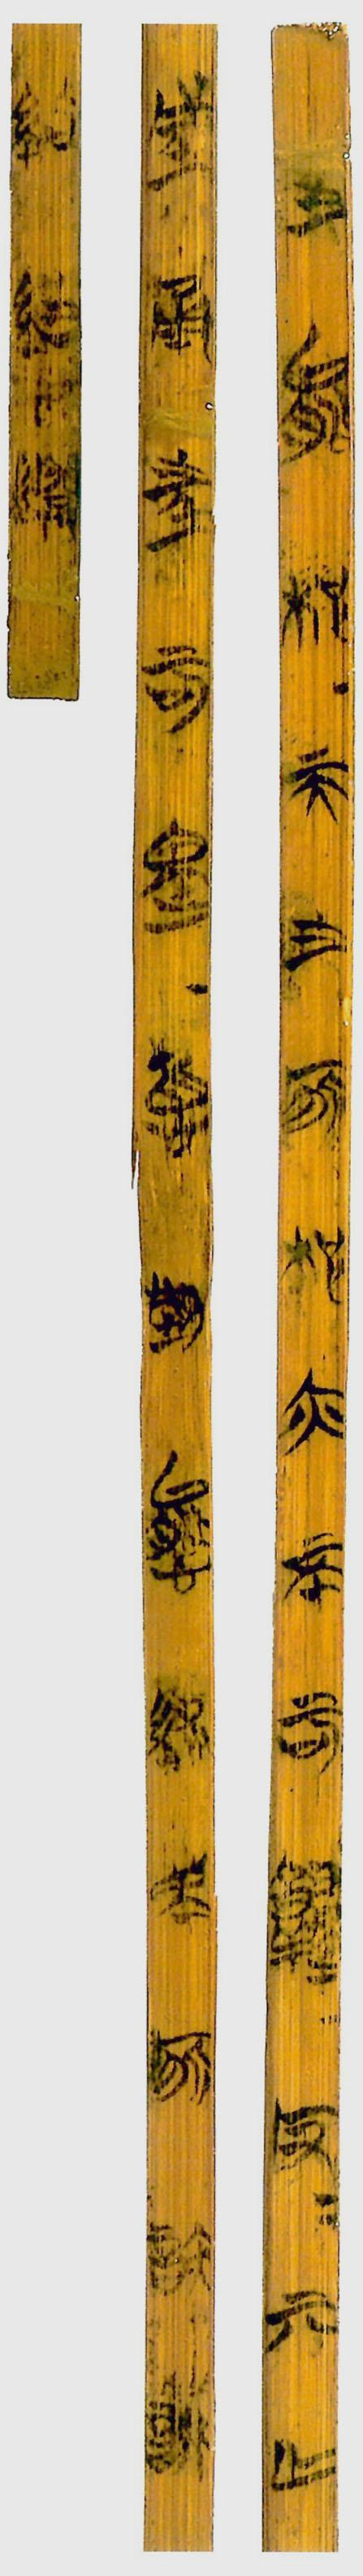之能枳天之所枳亦不可{亯羊帚止}反=亓亡成甬{屮王}可畏惪型態絉民所訞{言比}（僻）約結{糸興}
